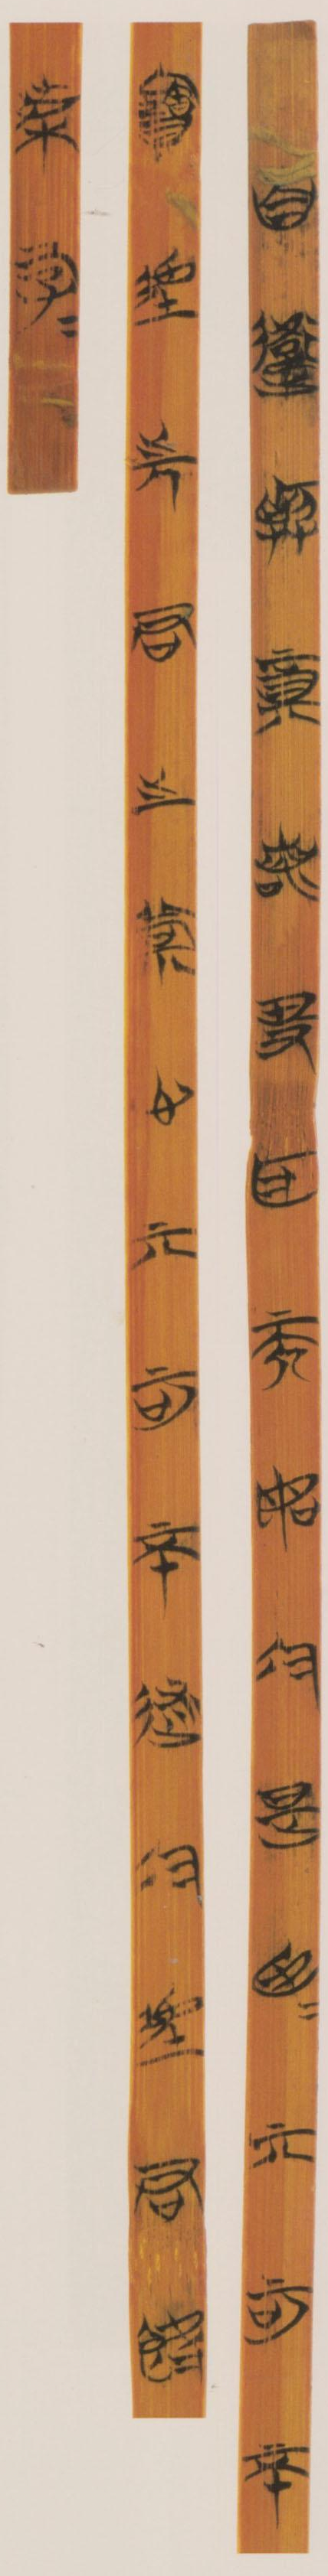自{衛止}與奠若卑耳而{母口}今是臣=亓可不寶𫊟先君之常心亓可不述今𫊟君即枼乳=
